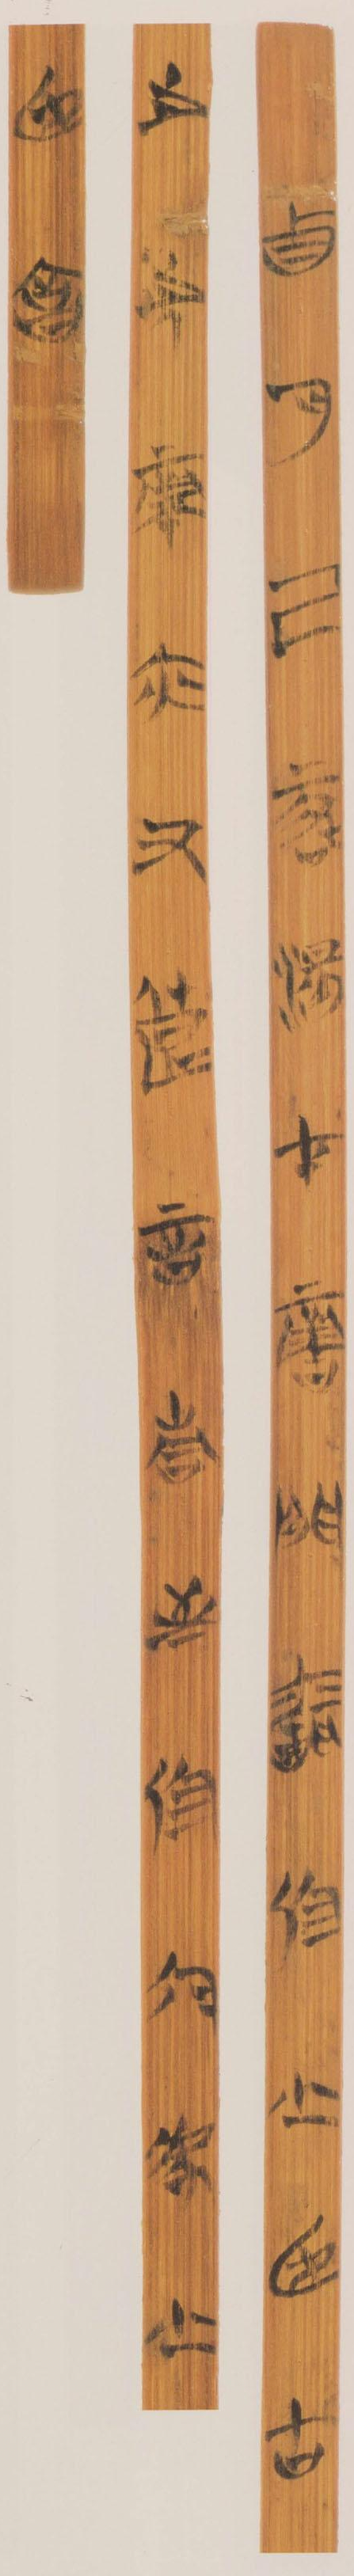貞月己{亥口}湯才啻門{尒䎽}於少臣古之先帝亦又良言青至於今虎少臣合
